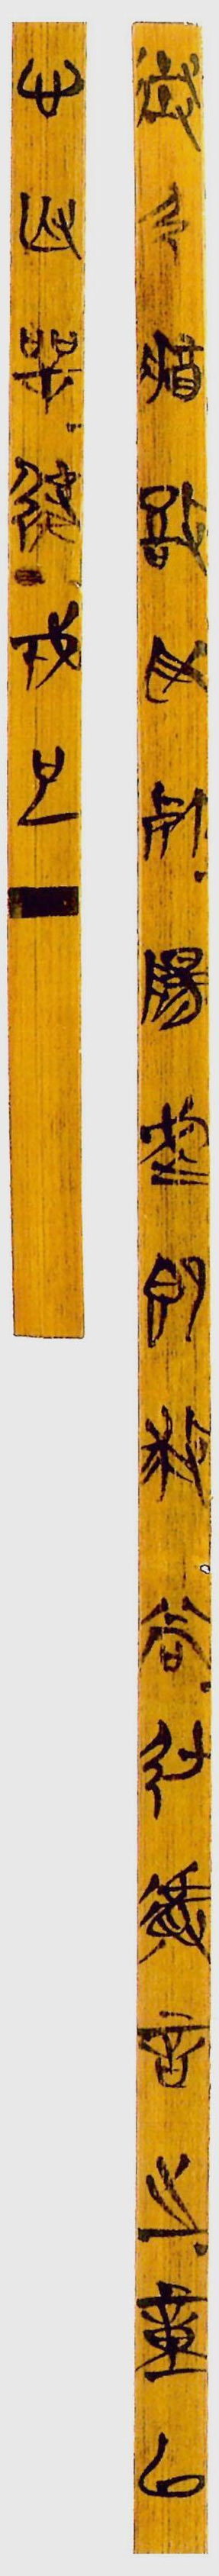{彳土又土又}弓𨟻（將）{豆口攴}爲死陽武即救尚引虘B言之童㠯（以）心{亡又}咢{弓夬矢}戎也
